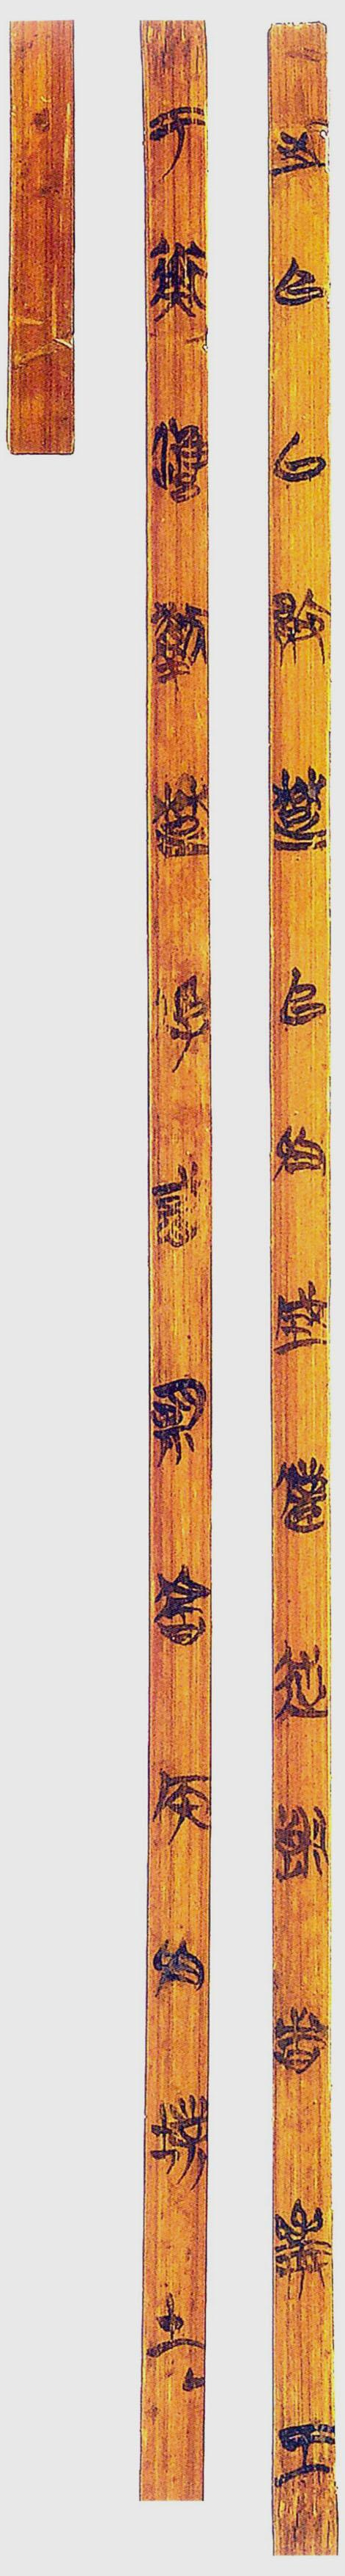之𠂤㠯（以）敗楚𠂤於城{人菐臣}述朝周襄王于衡澭獻楚俘馘{明示}者侯於{土丵川}土
